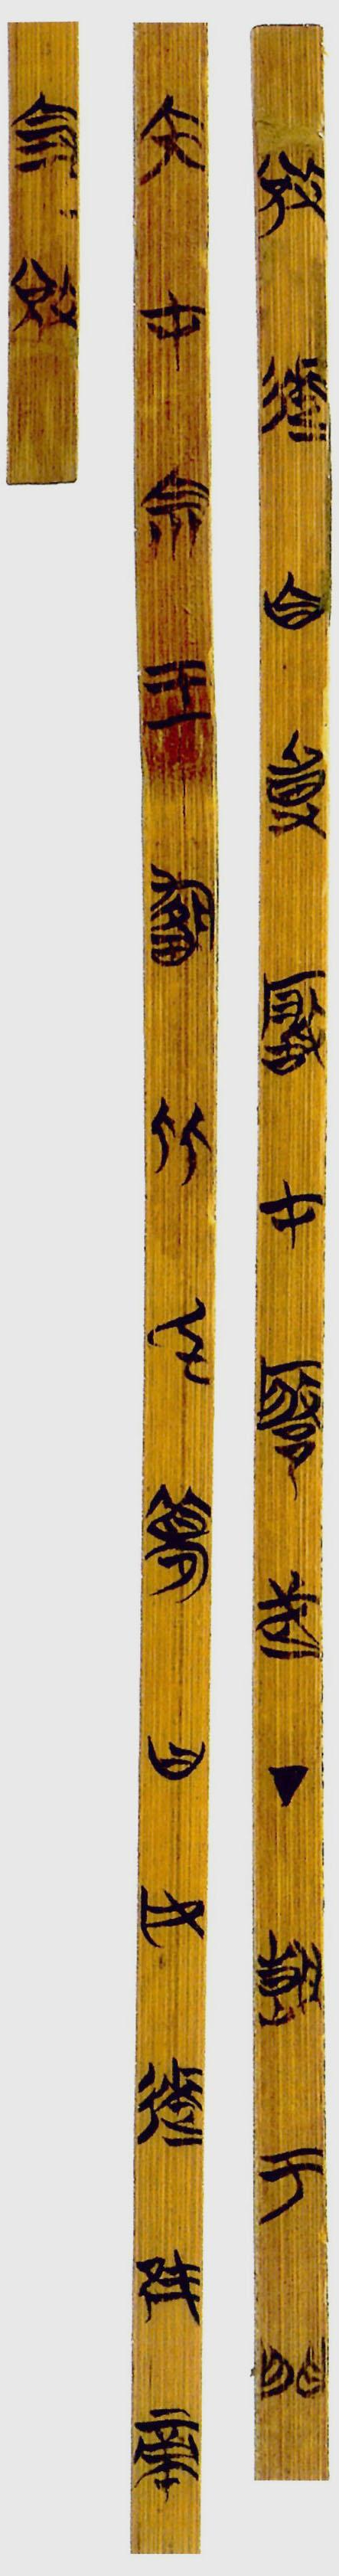敓（說）逨（來）自尃{厂敢}才{殷邑}（殷）武丁朝于門內才宗王{备勻}比氒夢曰女逨（來）隹帝命敓（說）
